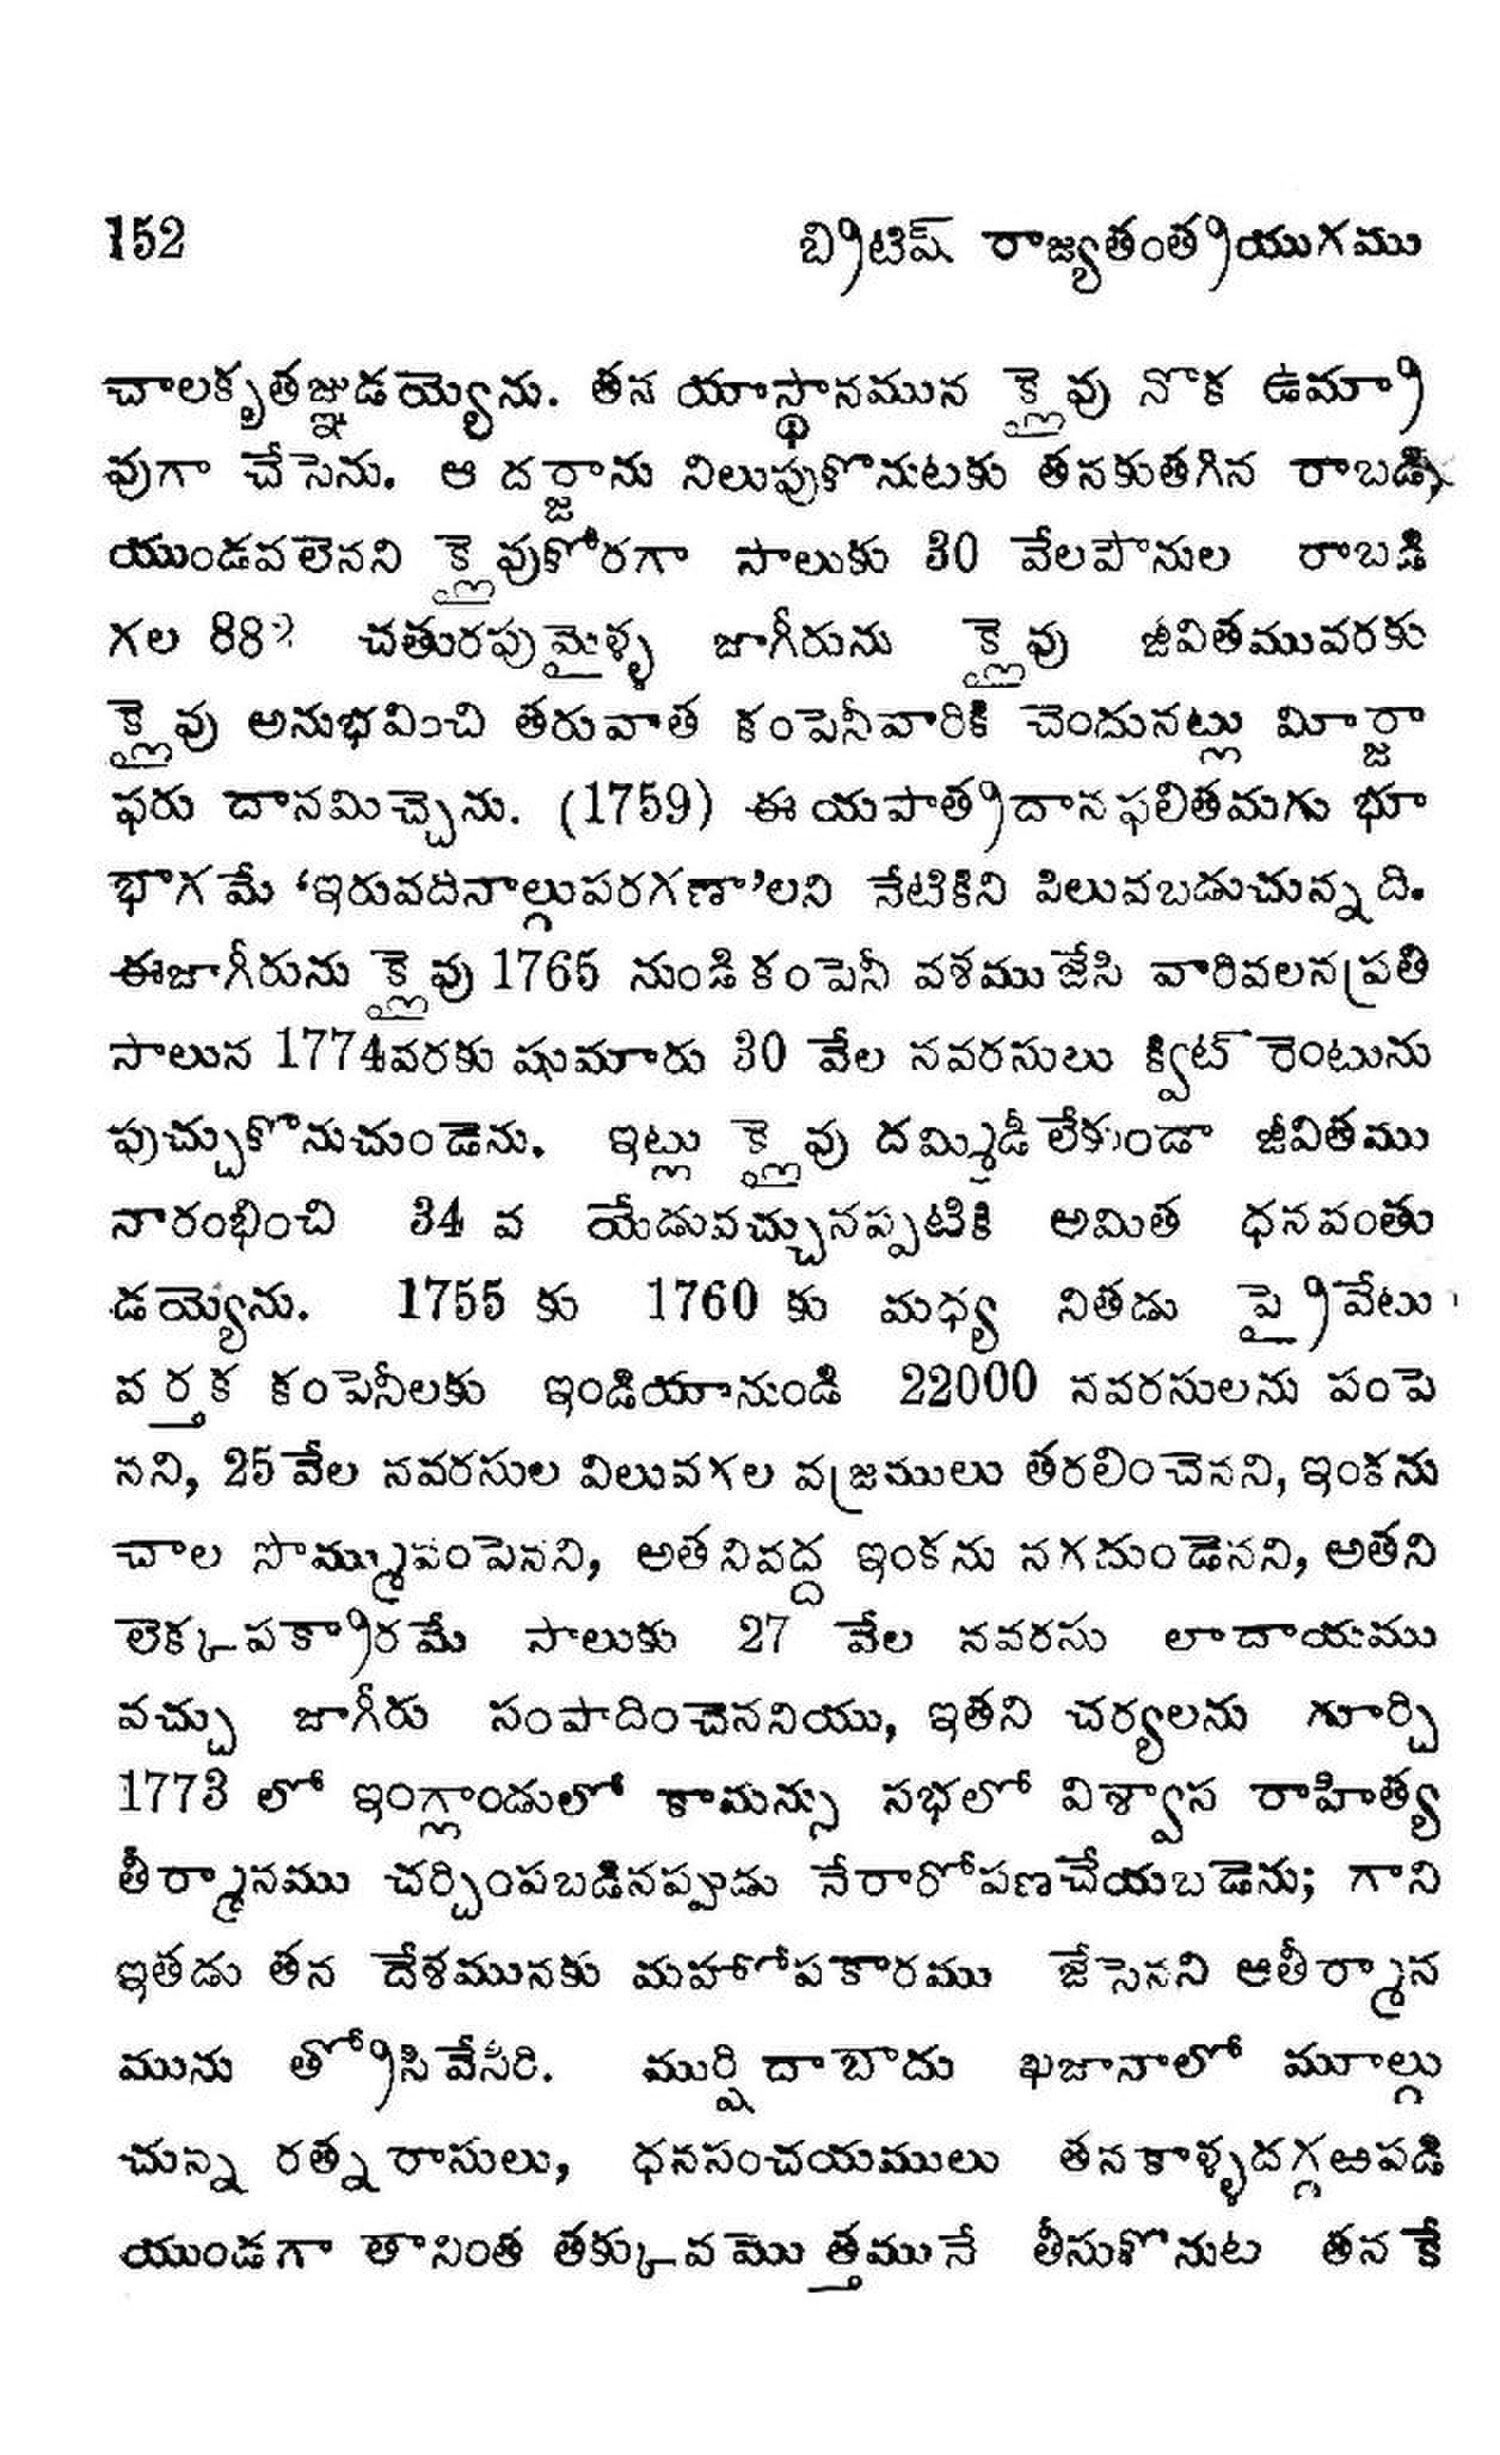చాలకృతజ్ఞుడయ్యెను. తన యాస్థానమున క్లైవు నొక ఉమ్రావుగా చేసెను. ఆ దర్జాను నిలుపుకొనుటకు తనకుతగిన రాబడి యుండవలెనని క్లైవుకోరగా సాలుకు 30 వేలపౌనుల రాబడి గల 882 చతురపుమైళ్ళ జాగీరును క్లెవు జీవితమువరకు క్లైవు అనుభవించి తరువాత కంపెనీవారికి చెందునట్లు మీర్జాఫరు దానమిచ్చెను. (1759) ఈ యపాత్రదానఫలితమగు భూభాగమే 'ఇరువదినాల్గుపరగణా'లని నేటికిని పిలువబడుచున్నది. ఈజాగీరును క్లైవు 1765 నుండి కంపెనీ వశముజేసి వారివలనప్రతి సాలున 1774 వరకు షుమారు 30 వేల నవరసులు క్విట్ రెంటును పుచ్చుకొనుచుండెను. ఇట్లు క్లైవు దమ్మిడీలేకుండా జీవితము నారంభించి 34 వ యేడువచ్చునప్పటికి అమిత ధనవంతుడయ్యెను. 1755 కు 1760 కు మధ్య నితడు ప్రైవేటు వర్తక కంపెనీలకు ఇండియానుండి 22000 నవరసులను పంపెనని, 25 వేల నవరసుల విలువగల వజ్రములు తరలించెనని, ఇంకను చాల సొమ్ముపంపెనని, అతనివద్ద ఇంకను నగదుండెనని, అతని లెక్కప్రకారమే సాలుకు 27 వేల నవరసు లాదాయము వచ్చు జాగీరు సంపాదించెననియు, ఇతని చర్యలను గూర్చి 1773 లో ఇంగ్లాండులో కామన్సు సభలో విశ్వాస రాహిత్య తీర్మానము చర్చింపబడినప్పుడు నేరారోపణచేయబడెను; గాని ఇతడు తన దేశమునకు మహోపకారము జేసెనని ఆతీర్మానమును త్రోసివేసిరి. ముర్షిదాబాదు ఖజానాలో మూల్గుచున్న రత్న రాసులు, ధనసంచయములు తనకాళ్ళదగ్గఱపడి యుండగా తానింత తక్కువమొత్తమునే తీసుకోనుట తనకే